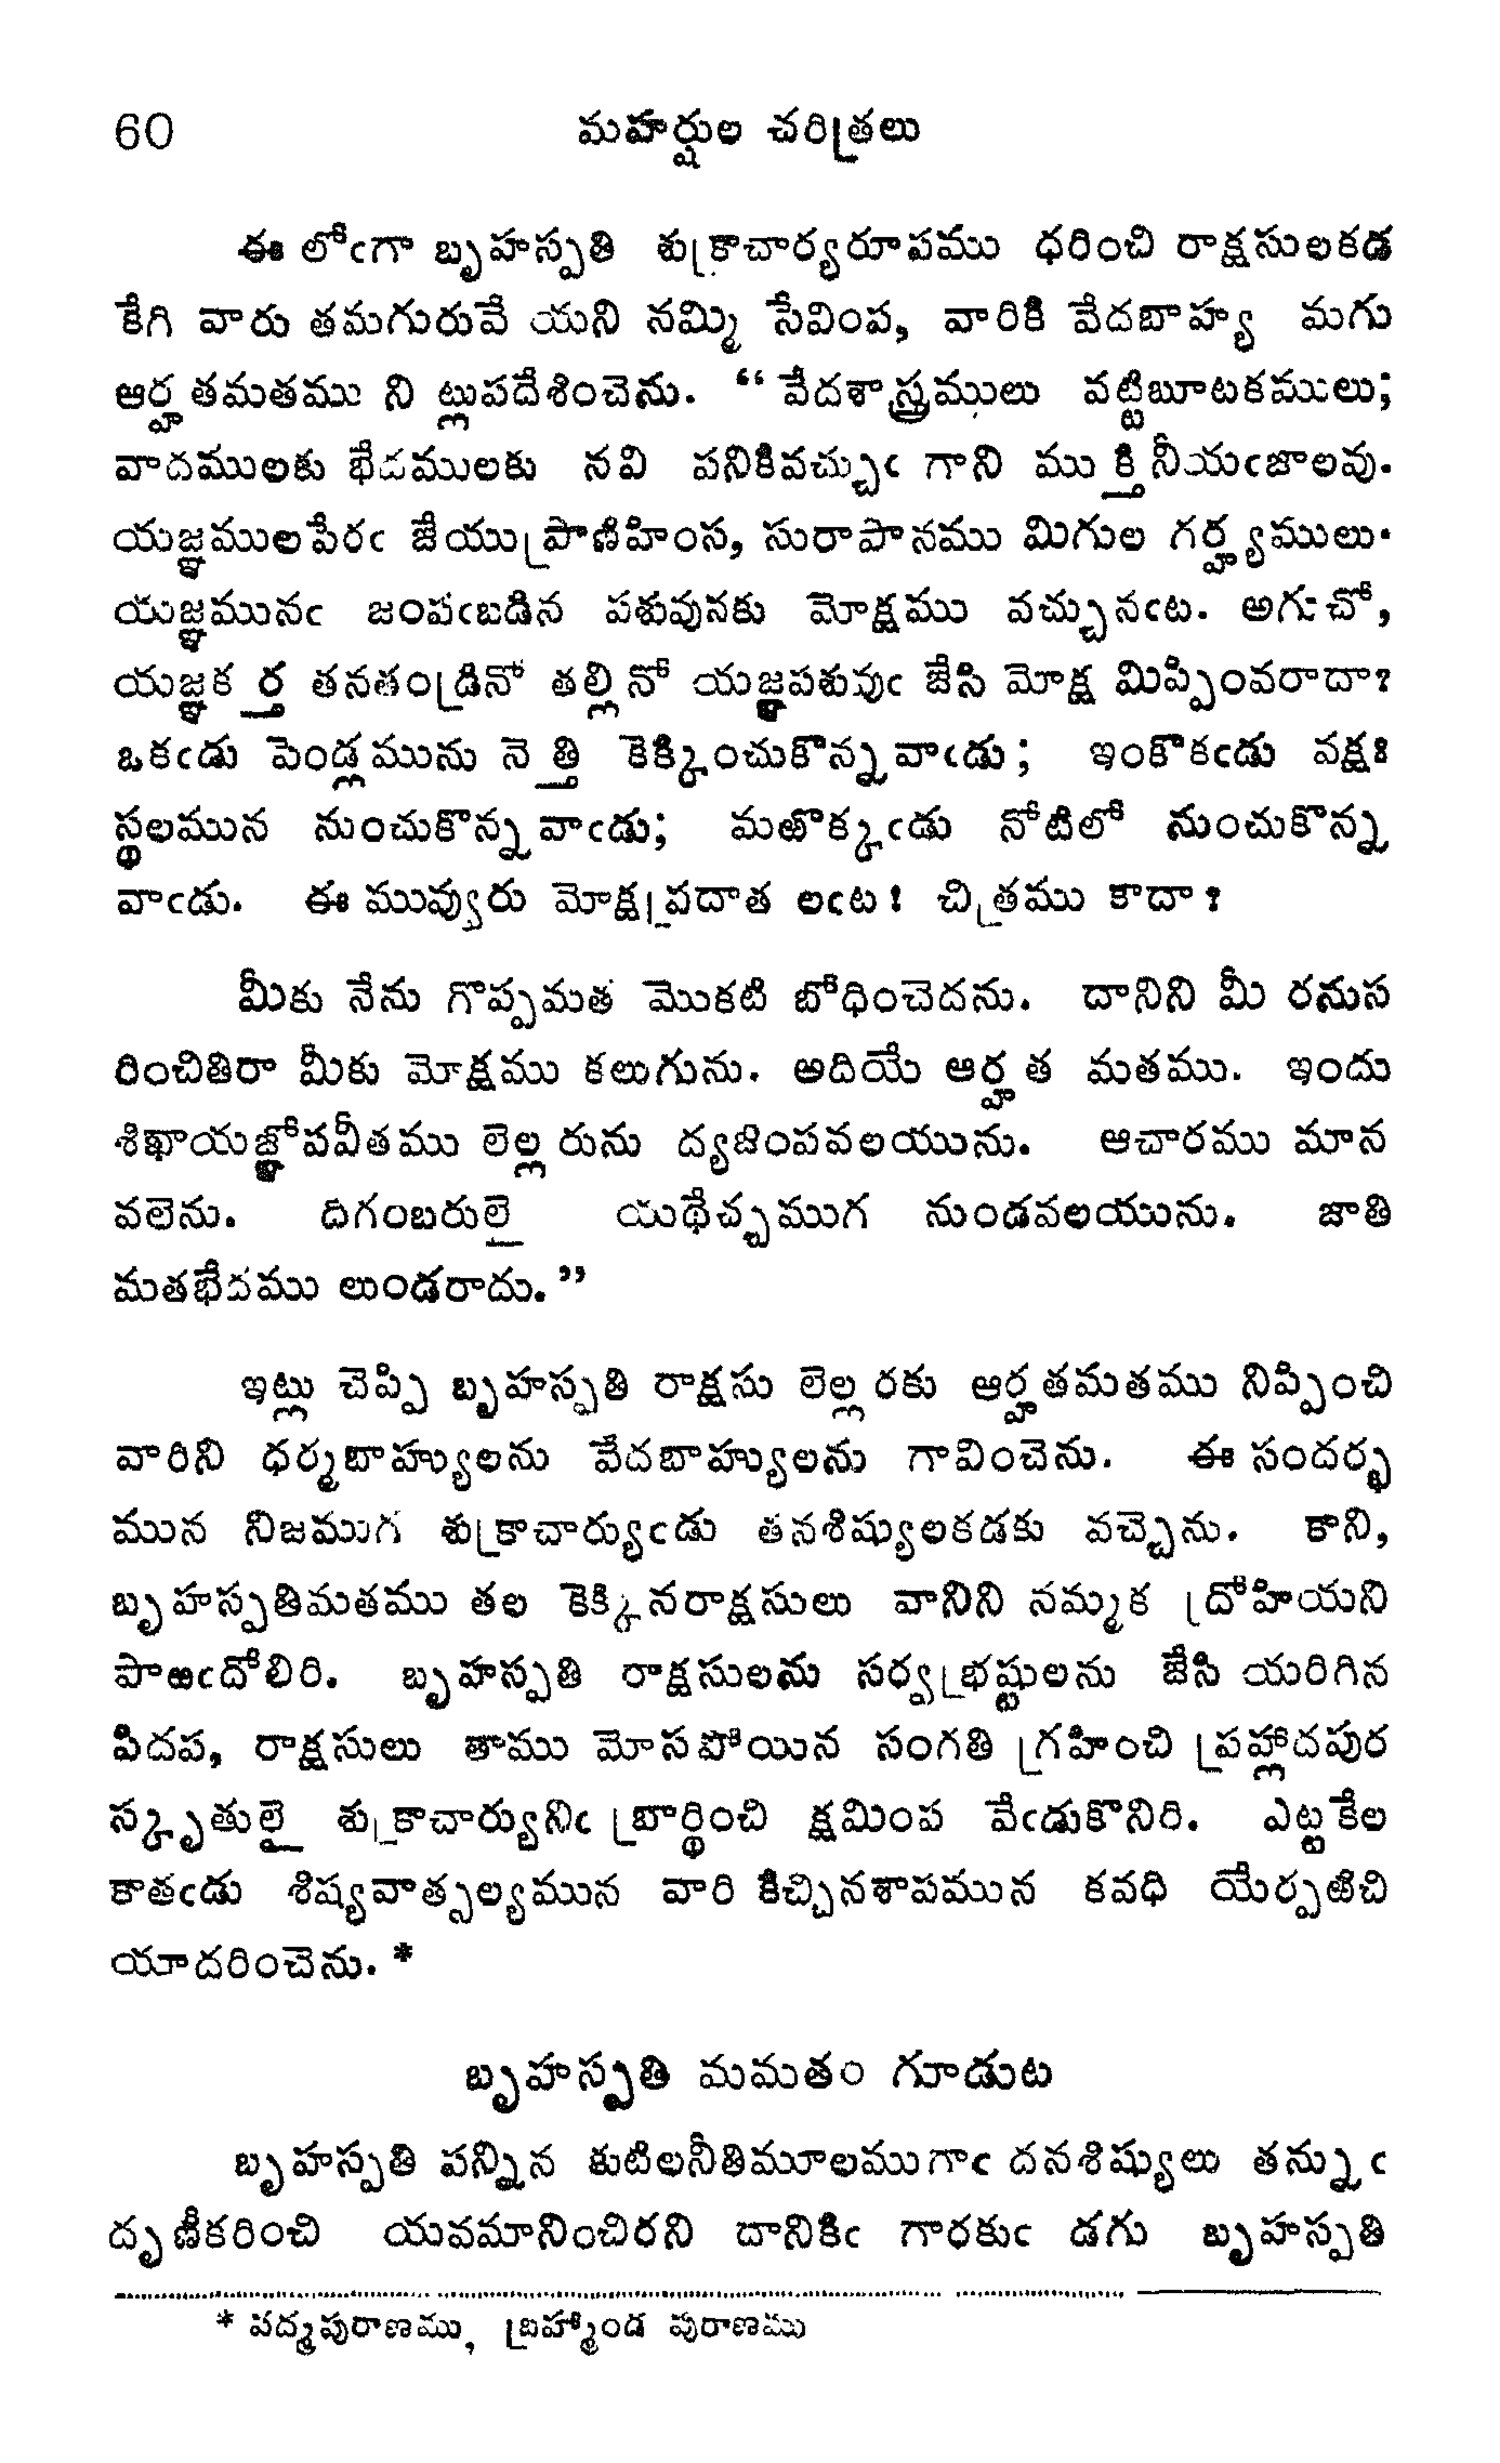ఈ లోఁగా బృహస్పతి శుక్రాచార్యరూపము ధరించి రాక్షసులకడ కేగి వారు తమగురువే యని నమ్మి సేవింప, వారికి వేదబాహ్య మగు ఆర్హ తమతము ని ట్లుపదేశించెను. “ వేదశాస్త్రములు వట్టిబూటకములు; వాదములకు భేదములకు నవి పనికివచ్చుఁ గాని ముక్తి నీయఁజాలవు. యజ్ఞములపేరఁ జేయుప్రాణిహింస, సురాపానము మిగుల గర్హ్యములు. యజ్ఞమునఁ జంపఁబడిన పశువునకు మోక్షము వచ్చునఁట. అగుచో, యజ్ఞకర్త తనతండ్రినో తల్లినో యజ్ఞపశువుఁ జేసి మోక్ష మిప్పింవరాదా? ఒకఁడు పెండ్లమును నెత్తి కెక్కించుకొన్నవాఁడు; ఇంకొకఁడు వక్షఃస్థలమున నుంచుకొన్న వాఁడు; మఱొక్కఁడు నోటిలో నుంచుకొన్న వాఁడు. ఈ మువ్వురు మోక్ష ప్రదాత లఁట! చిత్రము కాదా?

మీకు నేను గొప్పమత మొకటి బోధించెదను. దానిని మీ రనుసరించితిరా మీకు మోక్షము కలుగును. అదియే ఆర్హత మతము. ఇందు శిఖాయజ్ఞోపవీతము లెల్లరును ద్యజింపవలయును. ఆచారము మానవలెను. దిగంబరులై యథేచ్చముగ నుండవలయును. జాతి మతభేదము లుండరాదు."

ఇట్లు చెప్పి బృహస్పతి రాక్షసు లెల్లరకు ఆర్హతమతము నిప్పించి వారిని ధర్మబాహ్యులను వేదబాహ్యులను గావించెను. ఈ సందర్భమున నిజముగ శుక్రాచార్యుఁడు తనశిష్యులకడకు వచ్చెను. కాని, బృహస్పతిమతము తల కెక్కినరాక్షసులు వానిని నమ్మక ద్రోహియని పాఱఁదోలిరి. బృహస్పతి రాక్షసులను సర్వభ్రష్టులను జేసి యరిగిన పిదప, రాక్షసులు తాము మోసపోయిన సంగతి గ్రహించి ప్రహ్లాదపుర స్కృతులై శుక్రాచార్యునిఁ బ్రార్థించి క్షమింప వేఁడుకొనిరి. ఎట్టకేల కాతఁడు శిష్యవాత్సల్యమున వారి కిచ్చినశాపమున కవధి యేర్పఱిచి యాదరించెను. *

బృహస్పతి మమతం గూడుట 

బృహస్పతి పన్నిన కుటిలనీతిమూలముగాఁ దనశిష్యులు తన్నుఁ దృణీకరించి యవమానించిరని దానికిఁ గారకుఁ డగు బృహస్పతి